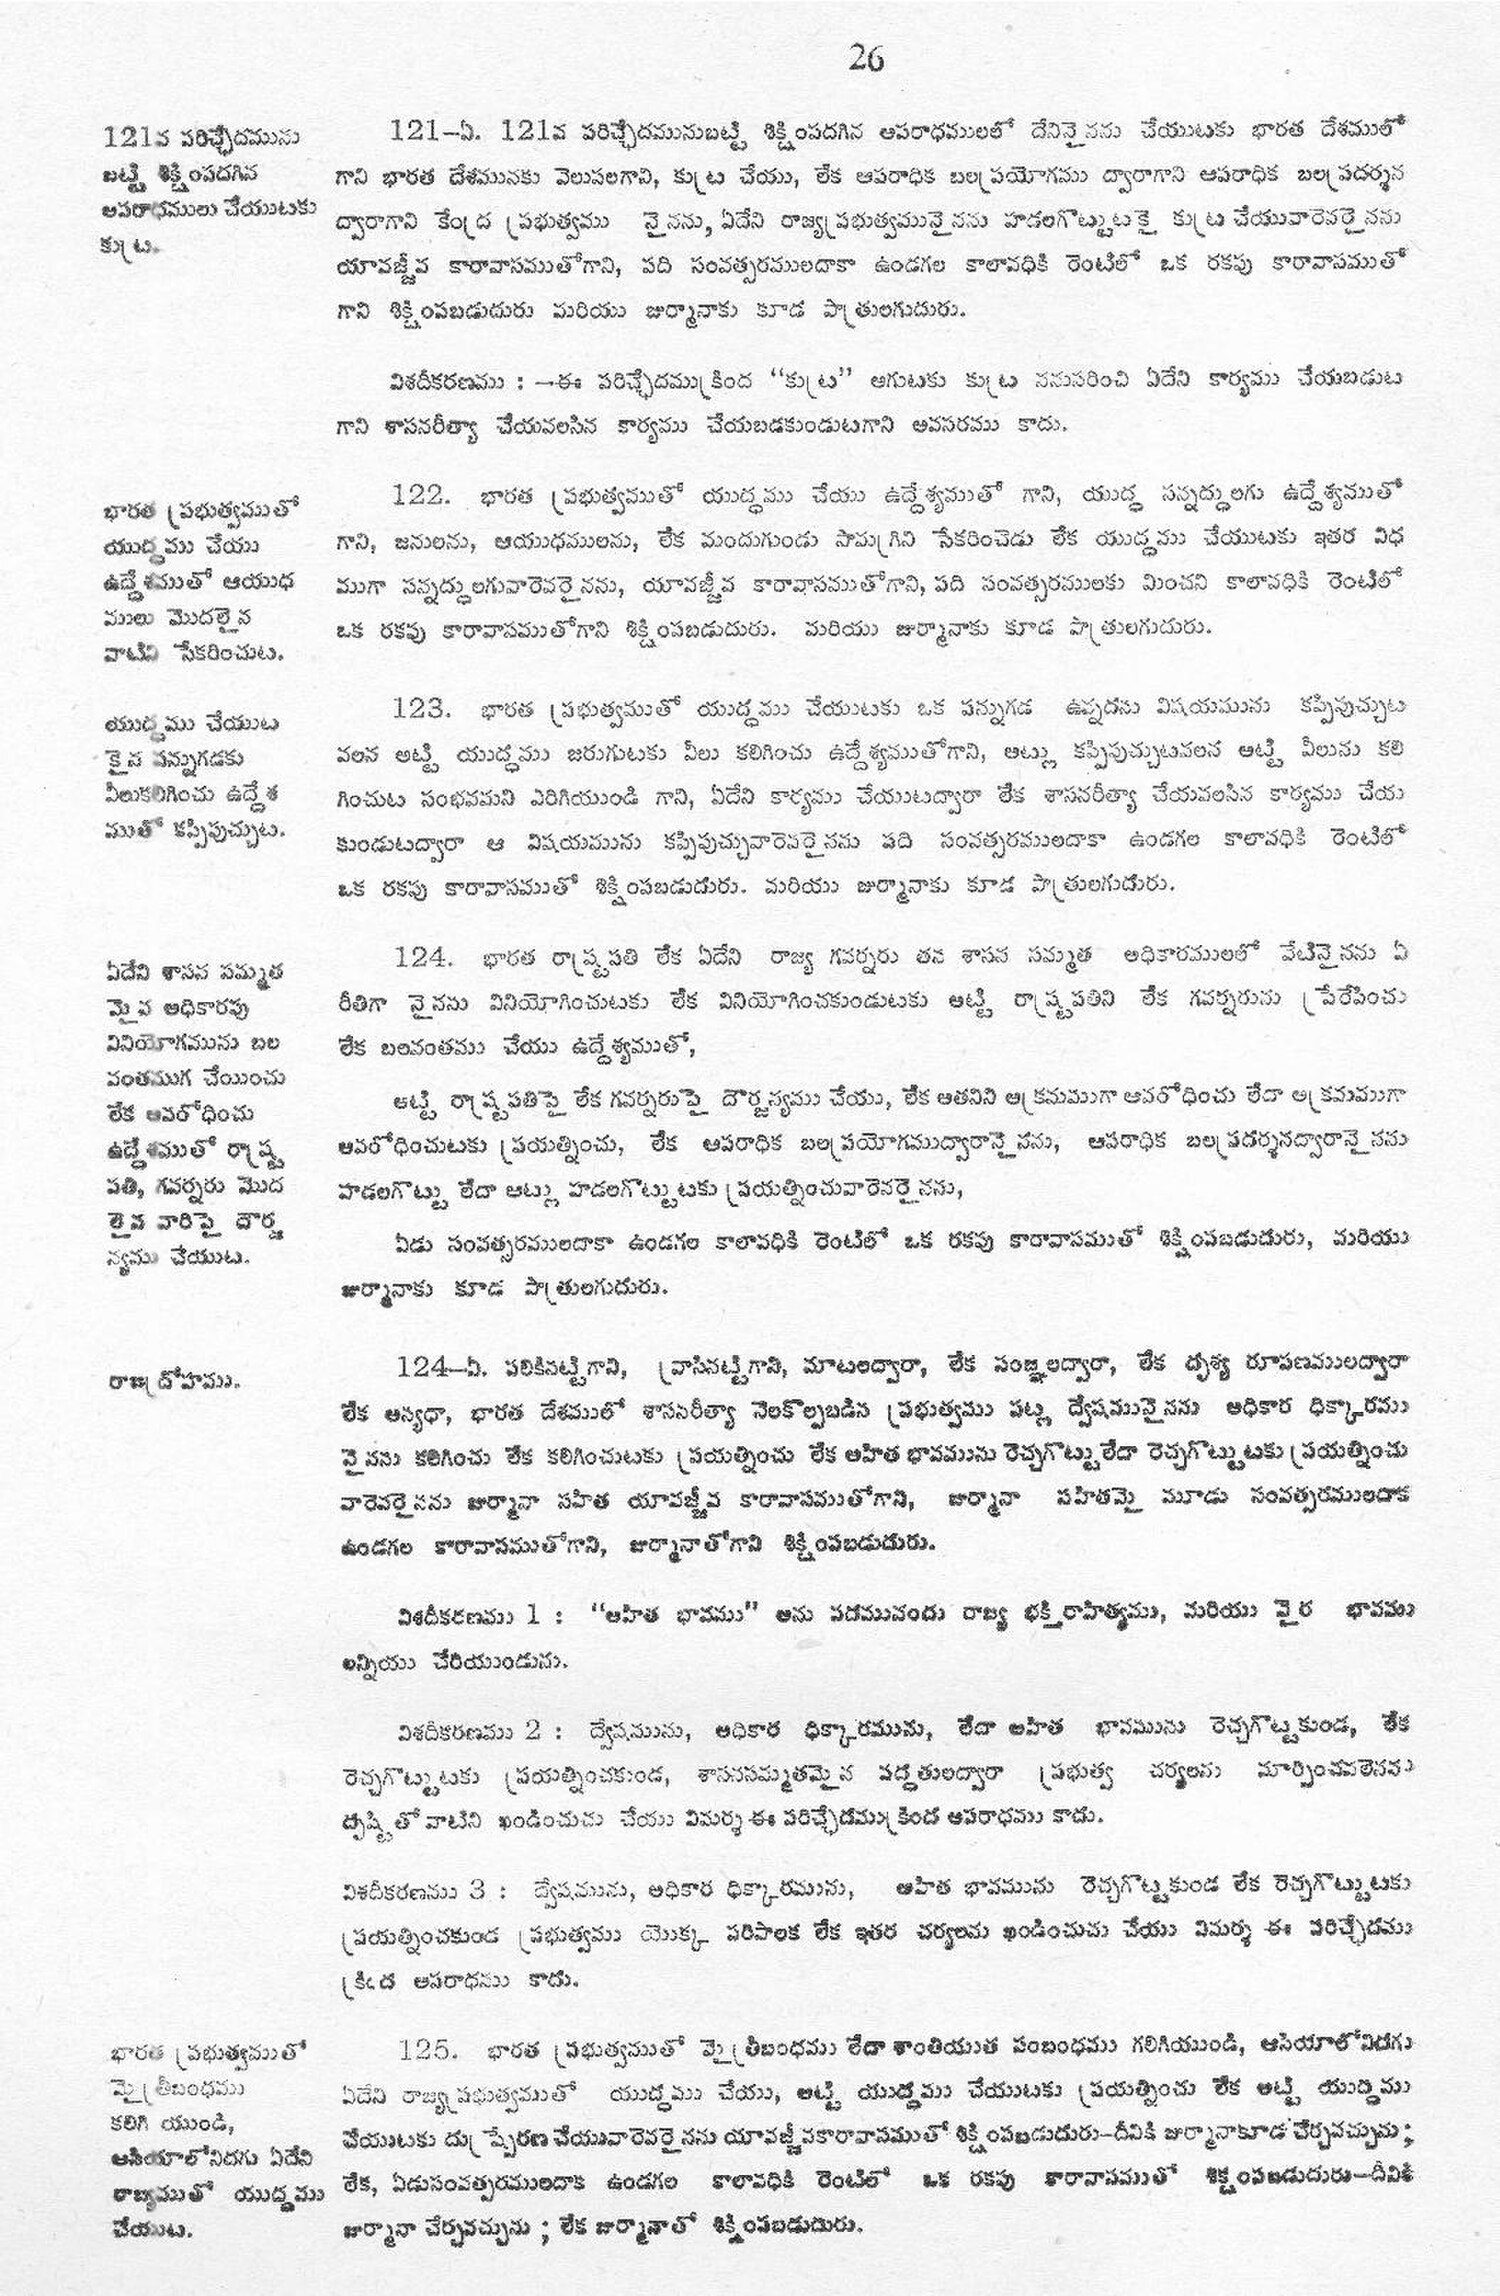121వ పరిచ్ఛేదమును బట్టి శిక్షింపదగిన అపరాధములు చేయుటకు కుట్ర.

121-ఏ. 121వ పరిచ్ఛేదమునుబట్టి శిక్షింపదగిన ఆపరాధములలో దేనినైనను చేయుటకు భారత దేశములో గాని భారత దేశమునకు వెలుపలగాని, కుట్ర చేయు, లేక అపరాధిక బలప్రయోగము ద్వారాగాని ఆపరాధిక బల ప్రదర్శన ద్వారా గాని కేంద్ర ప్రభుత్వము నైనను, ఏదేని రాజ్య ప్రభుత్వమునైనను హడలగొట్టుటకై కుట్ర చేయువారెవరైనను యావజ్జీవ కారావాసముతో గాని, పది సంవత్సరములదాకా ఉండగల కాలావధికి రెంటిలో ఒక రకపు కారావాసముతో గాని శిక్షింపబడుదురు మరియు జుర్మానాకు కూడ పాత్రులగుదురు.

విశదీకరణము : --ఈ పరిచ్ఛేదము క్రింద “కుట్ర ” అగుటకు కుట్ర ననుసరించి ఏదేనీ కార్యము చేయబడుట గాని శాసనరీత్యా చేయవలసిన కార్యము చేయబడకుండుటగాని అవసరము కాదు.

భారత ప్రభుత్వముతో యుద్ధము చేయు ఉద్దేశముతో ఆయుధములు మొదలైన వాటిని సేకరించుట.

122. భారత ప్రభుత్వముతో యుద్ధము చేయు ఉద్దేశ్యముతో గాని, యుద్ధ సన్నద్కలను ఉద్దేశ్యముతో గాని, జనులను, ఆయుధములను, లేక మందుగుండు సామగ్రిని సేకరించెడు లేక యుద్ధము చేయుటకు ఇతర విధముగా సన్నద్ధులగు వారెవరైనను, యావజ్జీవ కారావాసముతో గాని, పది సంవత్సరములకు మించని కాలావధికి రెంటిలో ఒక రకపు కారావాసముతోగాని శిక్షింపబడుదురు. మరియు జూర్మానాకు కూడ పాత్రులగుదురు.

యుద్ధము చేయుటకైన పన్నుగడకు వీలు కలిగించు ఉద్దేశముతో కప్పిపుచ్చుట.

123. భారత ప్రభుత్వముతో యుద్ధము చేయుటకు ఒక పన్నుగడ ఉన్నదను విషయమును కప్పిపుచ్చుట వలన అట్టి యుద్ధము జరుగుటకు వీలు కలిగించు ఉద్దేశ్యముతోగాని, ఆట్లు కప్పిపుచ్చుట వలన అట్టి వీలును కలిగించుట సంభవమని ఎరిగియుండి గాని, ఏదేని కార్యము చేయుటద్వారా లేక శాసనరీత్యా చేయవలసిన కార్యము చేయకుండుట ద్వారా ఆ విషయమును కప్పిపుచ్చువారెవరైనను పది సంవత్సరములదాకా ఉండగల కాలావధికి రెంటిలో ఒక రకపు కారావాసముతో శిక్షింపబడుదురు. మరియు జుర్మానాకు కూడ పాత్రులగుదురు.

ఏదేని శాసన సమ్మతమైన అధికారపు వినియోగమును బలవంతముగ చేయించు లేక అవరోధించు ఉద్దేశముతో రాష్ట్రపతి, గవర్నరు మొదలైన వారిపై దౌర్జన్యము చేయుట.

124. భారత రాష్ట్రపతి లేక ఏదేని రాజ్య గవర్నరు తన శాసన సమ్మత అధికారములలో వేటినైనను ఏ రీతిగా నైనను వినియోగించుటకు లేక వినియోగించకుండుటకు అట్టి రాష్ట్రపతిని లేక గవర్నరును ప్రేరేపించు లేక బలవంతము చేయు ఉద్దేశ్యముతో,

అట్టి రాష్ట్రపతి పై లేక గవర్నరు పై దౌర్జన్యము చేయు, లేక ఆతనిని అక్రమముగా ఆవరోధించు లేదా అక్రమముగా
అవరోధించుటకు ప్రయత్నించు, లేక ఆపరాధిక బల ప్రయోగము ద్వారానైనను, ఆపరాధిక బల ప్రదర్శన ద్వారానైనను
హడలగొట్టు లేదా ఆట్లు హడలగొట్టుటకు ప్రయత్నించువా రెవరైనను,

ఏడు సంవత్సరములదాకా ఉండగల కాలావధికి రెంటిలో ఒక రకపు కారావాసముతో శిక్షింపబడుదురు, మరియు జుర్మానాకు కూడ పాత్రులగుదురు.

124-ఏ. పలికినట్టి గాని, వ్రాసినట్టి గాని, మాటలద్వారా, లేక సంజ్ఞల ద్వారా, లేక దృశ్య రూపణములద్వారా లేక అన్యధా, భారత దేశములో శాసనరీత్యా నెలకొల్పబడిన ప్రభుత్వము పట్ల ద్వేషమునైనను అధికార ధిక్కారము నైనను కలిగించు లేక కలిగించుటకు ప్రయత్నించు లేక అహిత భావమును రెచ్చగొట్టు లేదా రెచ్చగొట్టుటకు ప్రయత్నించు
వారెవరైనను జుర్మానా సహిత యావజ్జీవ కారావాసముతోగాని, జూర్మానా సహితమై మూడు సంవత్సరములదాక ఉండగల కారావాసముతోగాని, జుర్మానాతోగాని శిక్షింపబడుదురు.

విశదీకరణము, 1 : “ఆహిత భావము" అను పదమునందు రాజ్య భక్తి రాహిత్యము, మరియు వైర భావము అన్నియు చేరియుండును.

విశదీకరణము 2 : ద్వేషమును, అధికార ధిక్కారమును, లేదా అహిత భావమును రెచ్చగొట్ట కుండ, లేక రెచ్చగొట్టుటకు ప్రయత్నించకుండ, శాసనసమ్మతమైన పద్ధతులద్వారా ప్రభుత్వ చర్యలను మార్చించవలెనను దృష్టితో వాటిని ఖండించుచు చేయు విమర్శ ఈ పరిచ్ఛేదము కింద అపరాధము కాదు.

విశదీకరణను 3 : ద్వేషమును, అధికార ధిక్కారమును, అహిత భావమును రెచ్చగొట్టకుండ లేక రెచ్చగొట్టుటకు ప్రయత్నించకుండ ప్రభుత్వము యొక్క పరిపాలక లేక ఇతర చర్యలను ఖండించుచు చేయు విమర్శ ఈ పరిచ్ఛేదము
క్రింద అపరాధము కాదు.

భారత ప్రభుత్వముతో మైత్రీబంధము కలిగి యుండి,ఆసియాలోనిదగు ఏదేని రాజ్యముతో యుద్ధము చేయుట.

125. భారత ప్రభుత్వముతో మైత్రీబంధము లేదా శాంతియుత సంబంధము గలిగియుండి, ఆసియాలోనిదగు ఏదేని రాజ్య ప్రభుత్వముతో యుద్ధము చేయు, అట్టి యుద్ధము చేయుటకు ప్రయత్నించు లేక అట్టి యుద్ధము చేయుటకు దుష్ప్రేరణ చేయువారెవరైనను యావజ్జీవకారావాసముతో శిక్షింపబడుదురు. దీనికి జూర్మానా కూడ చేర్చవచ్చును; లేక, ఏడు సంవత్సరములదాక ఉండగల కాలావధికి రెంటిలో ఒక రకపు కారావాసముతో శిక్షంపబడుదురు. దీనికి జుర్మానా చేర్చవచ్చును; లేక జూర్మానాతో శిక్షింపబడుదురు,